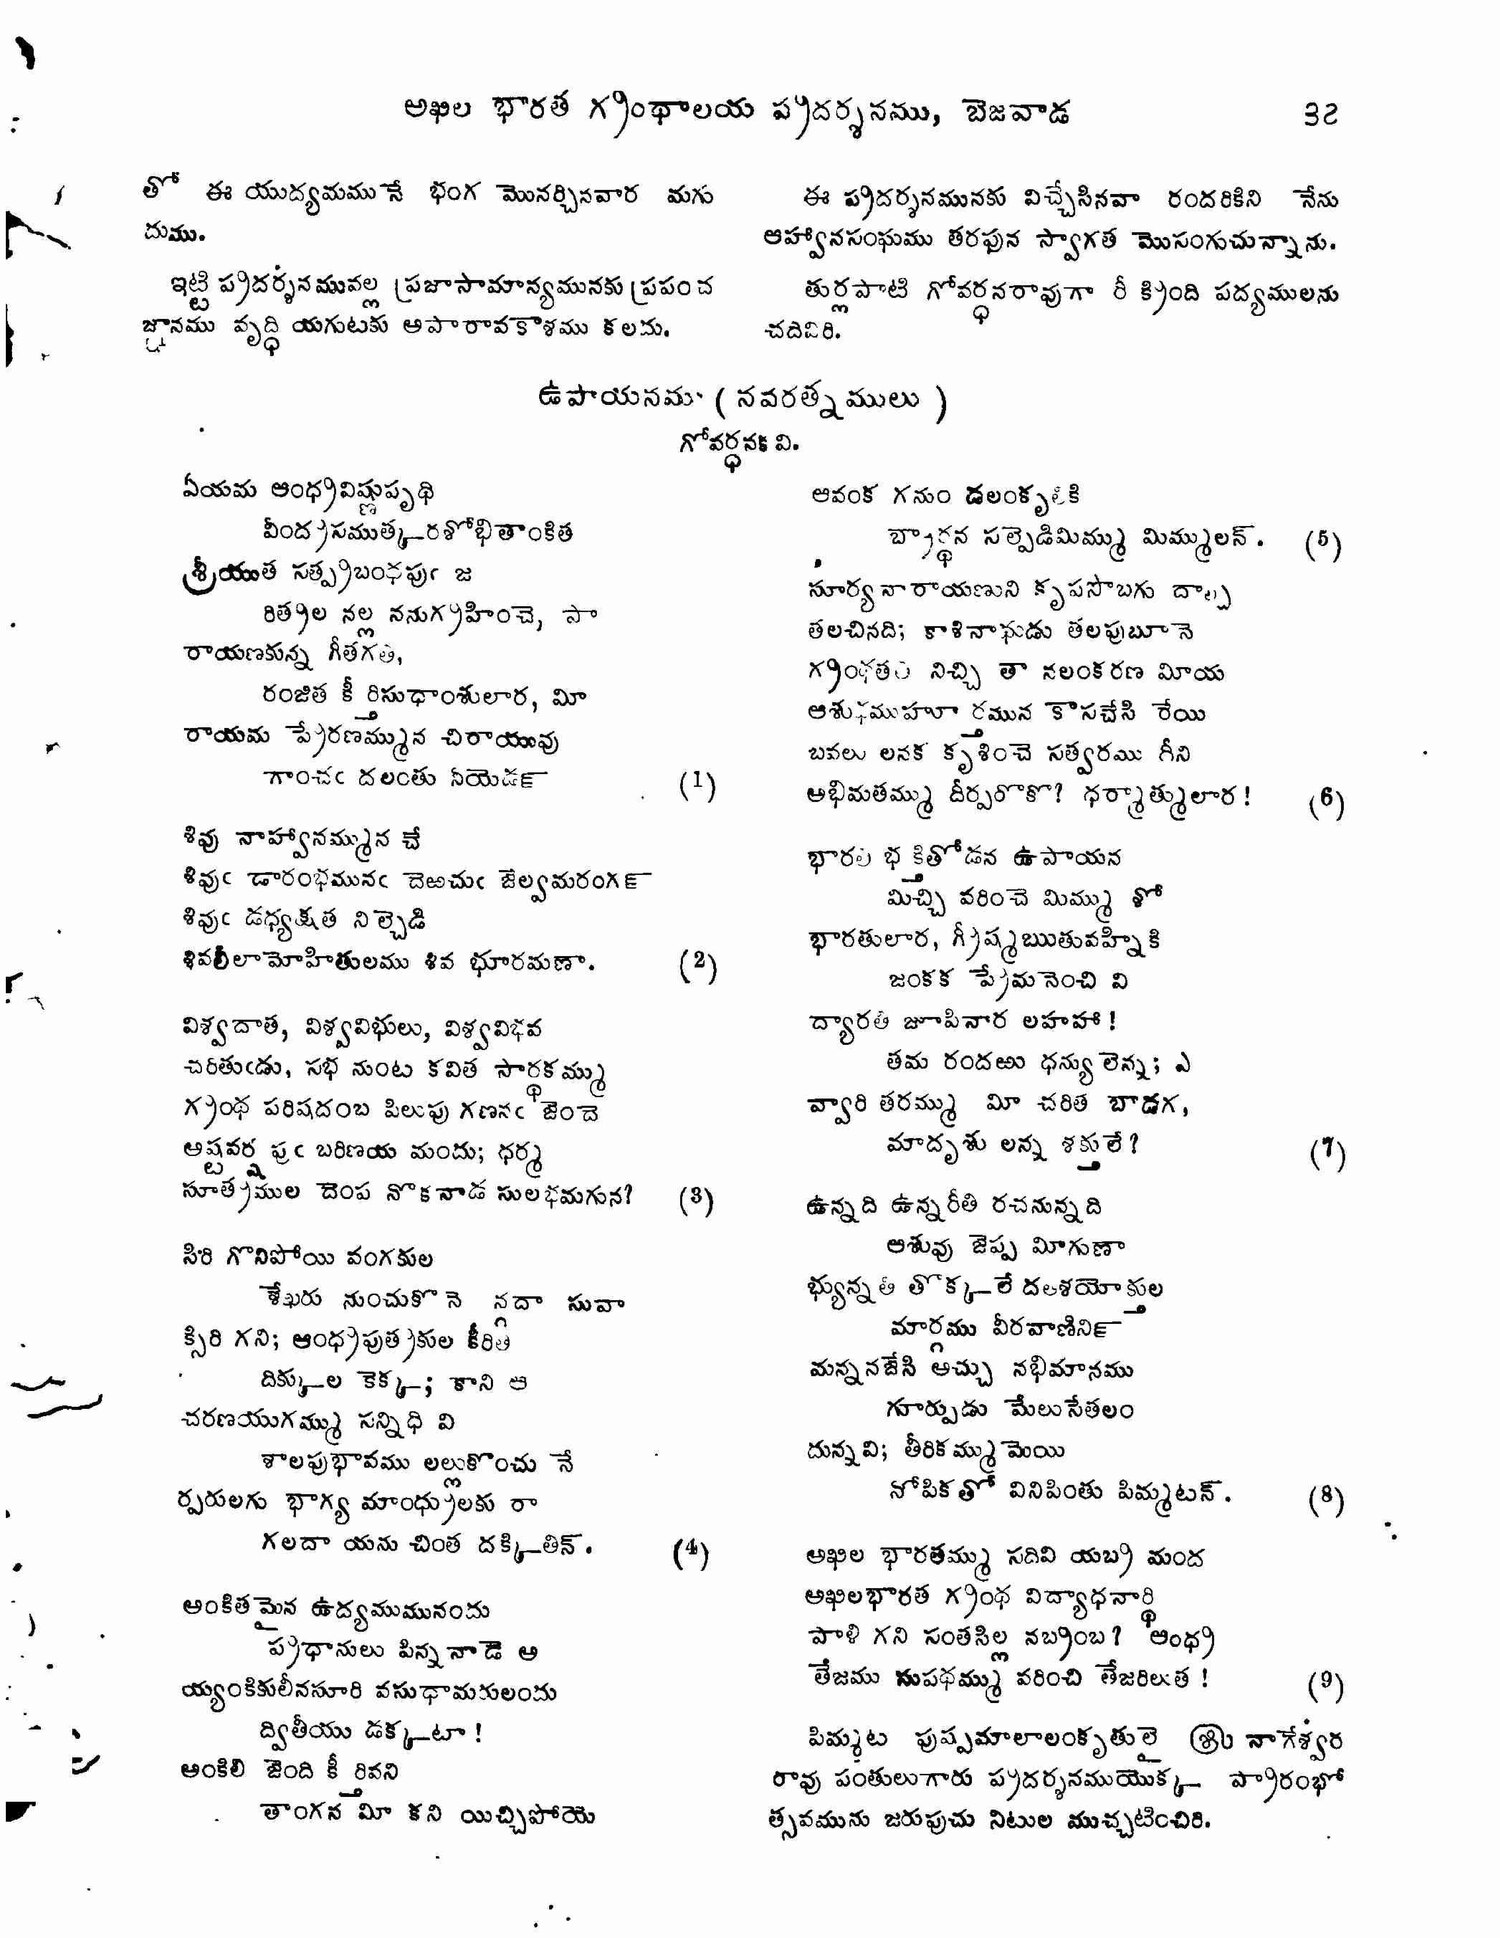తో ఈ యుద్యమము నే భంగ మొనర్చినవార మగుదుము.

ఇట్టి ప్రదర్శనమువల్ల ప్రజాసామాన్యమునకు ప్రపంచ జ్ఞానము వృద్ధి యగుటకు అపారావకాశము కలదు.

ఈ ప్రదర్శనమునకు విచ్చేసిన వారందరికిని నేను ఆహ్వాన సంఘము తరఫున స్వాగత మొసంగుచున్నాను.
తుర్లపాటి గోవర్ధనరావు గారు ఈ క్రింది పద్యములను చదివిరి.

1.ఏయమ ఆంధ్ర విష్ణుపృథి
వీంద సముత్కరశోభితాంకిత 
శ్రీయుత సత్ప్రబంధపుఁజ
రిత్రల నల్ల ననుగ్రహించె, సా 
రాయణకున్న గీతగతి,
రంజిత కీర్తిసుధాంశులార, మీ 
రాయమ ప్రేరణమ్మున చిరాయువు
గాంచఁ దలంతు నీయెడ౯  

2.శివు నాహ్వానమ్మున చే
శివుఁడారంభమునఁ దెఱచుఁ జేల్వమరంగ౯ 
శివుఁ డధ్యక్షత నిల్చెడి
శివలీలా మోహితులము శివ భూరమణా 

3.విశ్వదాత, విశ్వవిభులు, విశ్వవిభవ
చరితుఁడు, సభ నుంట కవిత సార్ధకమ్ము
గ్రంథ పరిషదంబ పిలుపు గణనఁ జెందె
అష్టవర్ష పుఁ బరిణయ మందు; ధర్మ
సూత్రములు దెంప నొక నాడ సులభమగున?

4.సిరి గొనిపోయి వంగకుల
శేఖరు నుంచుకొనె న్డదా సువా
క్సిరి గని; ఆంధ్రపుత్రకుల కీరిత
దిక్కుల కెక్క; కాని ఆ
చరణయుగమ్ము సన్నిధి వి
శాలపు భావము అలుకొంచు నే
ర్పరులగు భాగ్య మాంధ్రులకు రా
గలదా యను చింత దక్కితిన్ 
 
5.అంకితమైన ఉద్యముమునందు
ప్రధానులు పిన్ననాడె ఆ 
య్యంకికులీనసూరి వసుధామరులందు
ద్వితీయు డక్కటా ! 
అంకిలి జెంది కీర్తివని
తాంగన మీ కని యిచ్చిపోయె 
అవంక గనుం డలంకృతికి
బ్రార్ధన సల్పెడిమిమ్ము మిమ్ములన్

6.సూర్య నానారాయణుని కృపసొబగు దాల్ప 
తలచినది; కాశినాథుడు తలపుబూనె
గ్రంథతతి నిచ్చి తా నలంకరణ మియ
ఆశుధముహూర్తమున కాసచేసి రేయి
బవలు లనక కృశించె సత్వరము గీని
అభిమతమ్ము దీర్పరొకొ! ధర్మాత్ములార!

7.భారత భక్తితోడన ఉపాయన
మిచ్చి వరించె మిమ్ము శో 
భారతులార, గ్రీష్మఋతువహ్నికి
జంకక ప్రేమ నెంచి వి 
ద్యారతి జూపినార లహహా !
తమ రందఱు ధన్యు లెన్న; ఎ 
వ్వారి తరమ్ము మీ చరిత బాడగ,
మాదృశు లన్న శక్తులే? 

8.ఉన్నది ఉన్న రీతి రచనున్నది
అశువు జెప్ప మీగుణా 
భ్యున్నతి తొక్కలే దలశయోక్తుల 
మారము వీరవాణిని౯ 
మన్ననజేసి అచ్చు నభిమానము
గూర్పుడు మేలు సేతలం 
దున్నవి; తీరికమ్ము మెయి
నోపికతో వినిపింతు పిమ్మటన్ 

9.అఖిల భారతమ్ము సదివి యజ్ఞ మంద
అఖిల భారత గ్రంధ విద్యాధనార్థి
పాళి గని సంతసిల్ల నబ్రాంబ? ఆంధ్ర
తేజము సుపధమ్ము వరించి తేజరిలుత!

పిమ్మట పుష్పమాలాలంకృతులై శ్రీ నాగేశ్వరరావు పంతులు గారు ప్రదర్శనము యొక్క ప్రారంభోత్సవమును జరుపుచు నీటుల ముచ్చటించిరి.